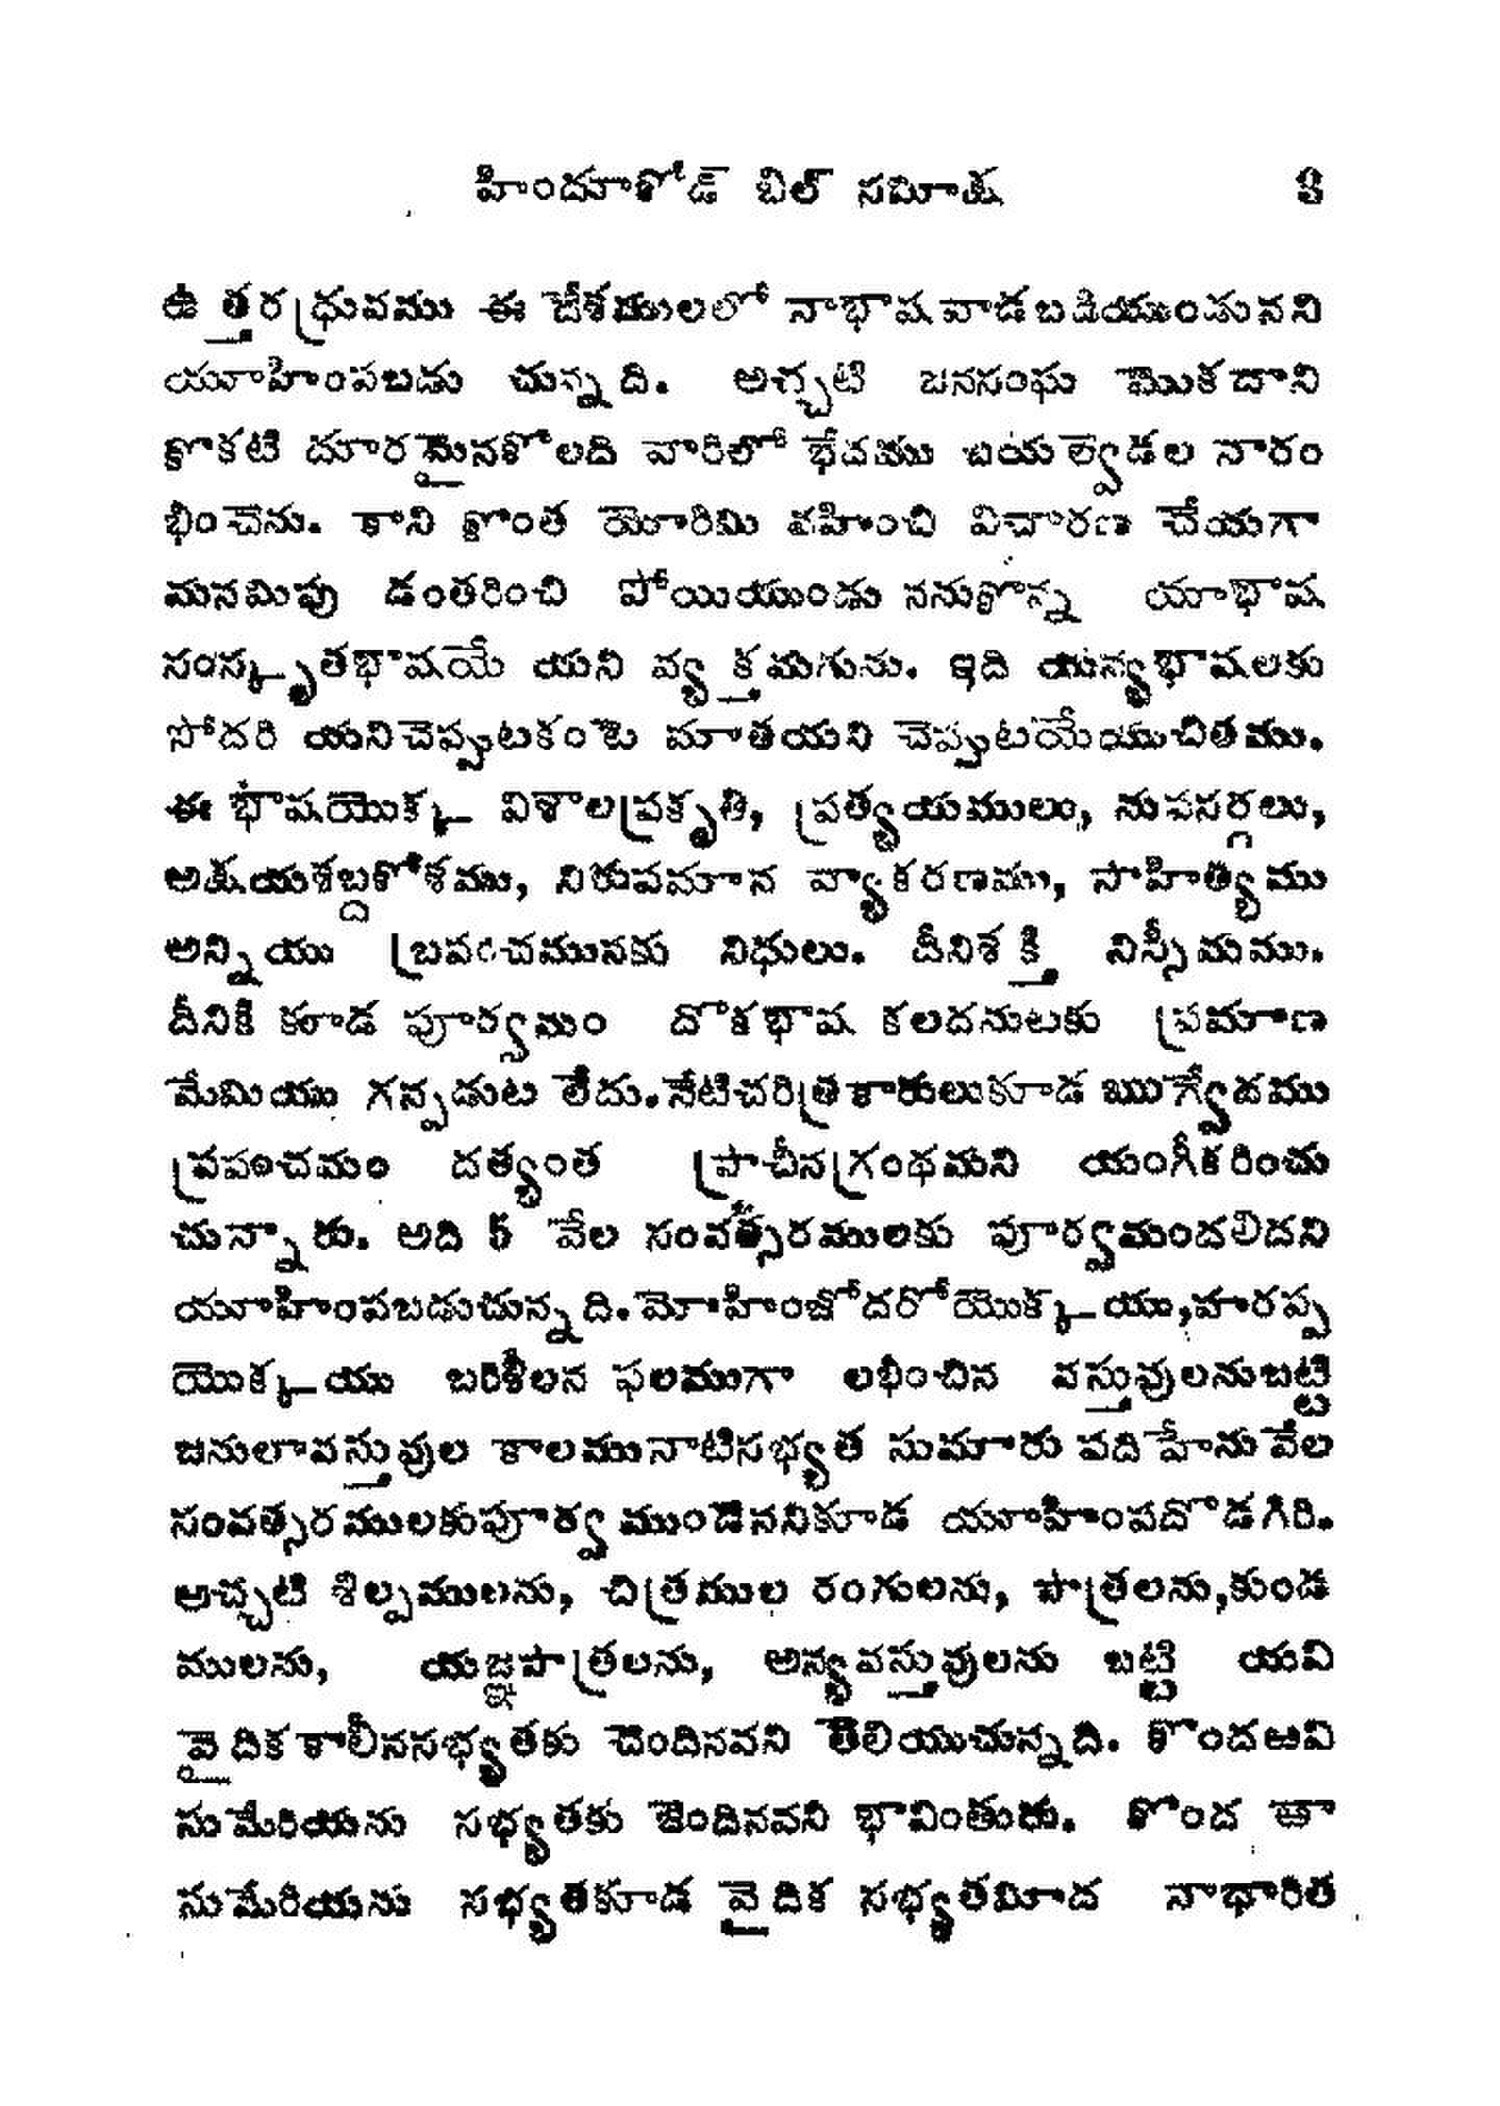ఉత్తరధ్రువము ఈ దేశములలో నా భాష వాడబడియుండునని
యూహింపబడు చున్నది. అచ్చటి జనసంఘ మొకదాని
కొకటి దూరమైనకొలది వారిలో భేదము బయల్వేెవెడల నారం
భించెను. కాని కొంత యోరిమి వహించి విచారణ చేయగా
మనమిపు డంతరించి పోయియుండు ననుకొన్న యాభాష
సంస్కృతభాషయే యని వ్యక్తమగును. ఇది యన్య భాషలకు
సోదరి యని చెప్పుటకంటే మాతయని చెప్పుటయేయుచితము.
ఈ భాషయొక్క విశాల ప్రకృతి, ప్రత్యయములు, నుపసర్గలు,
అక్షయశబ్దకోశము, నిరుపమాన వ్యాకరణము, సాహిత్యము
అన్నియు బ్రపంచమునకు నిధులు. దీనిశక్తి నిస్సీమము,
దీనికి కూడ పూర్వమం దొకభాష కలదనుటకు ప్రమాణ
మేమియు గన్పడుట లేదు. నేటి చరిత్రకారులు కూడ ఋగ్వేదము
ప్రపంచమం దత్యంత ప్రాచీనగ్రంథమని యంగీకరించు
చున్నారు. అది 5 వేల సంవత్సరములకు పూర్వమందలిదని
యూహింపబడుచున్నది. మోహింజోదరో యొక్కయు, హరప్ప
యొక్కయు బరిశీలన ఫలముగా లభించిన వస్తువులను బట్టి
జనులావస్తువుల కాలమునాటిసభ్యత సుమారు పదిహేను వేల
సంవత్సరములకు పూర్వముండెననికూడ యూహింపదొడగిరి.
అచ్చటి శిల్పములను, చిత్రముల రంగులను, పాత్రలను,కుండ
ములను, యజ్ఞపాత్రలను, అన్య వస్తువులను బట్టి యవి
వైదిక కాలీనసభ్యతకు చెందినవని తెలియుచున్నది. కొందఱవి
సుమేరియను సభ్యతకు చెందినవని భావింతురు. కొందఱా
సుమేరియను సభ్యతకూడ వైదిక సభ్యతమీద నాధారిత